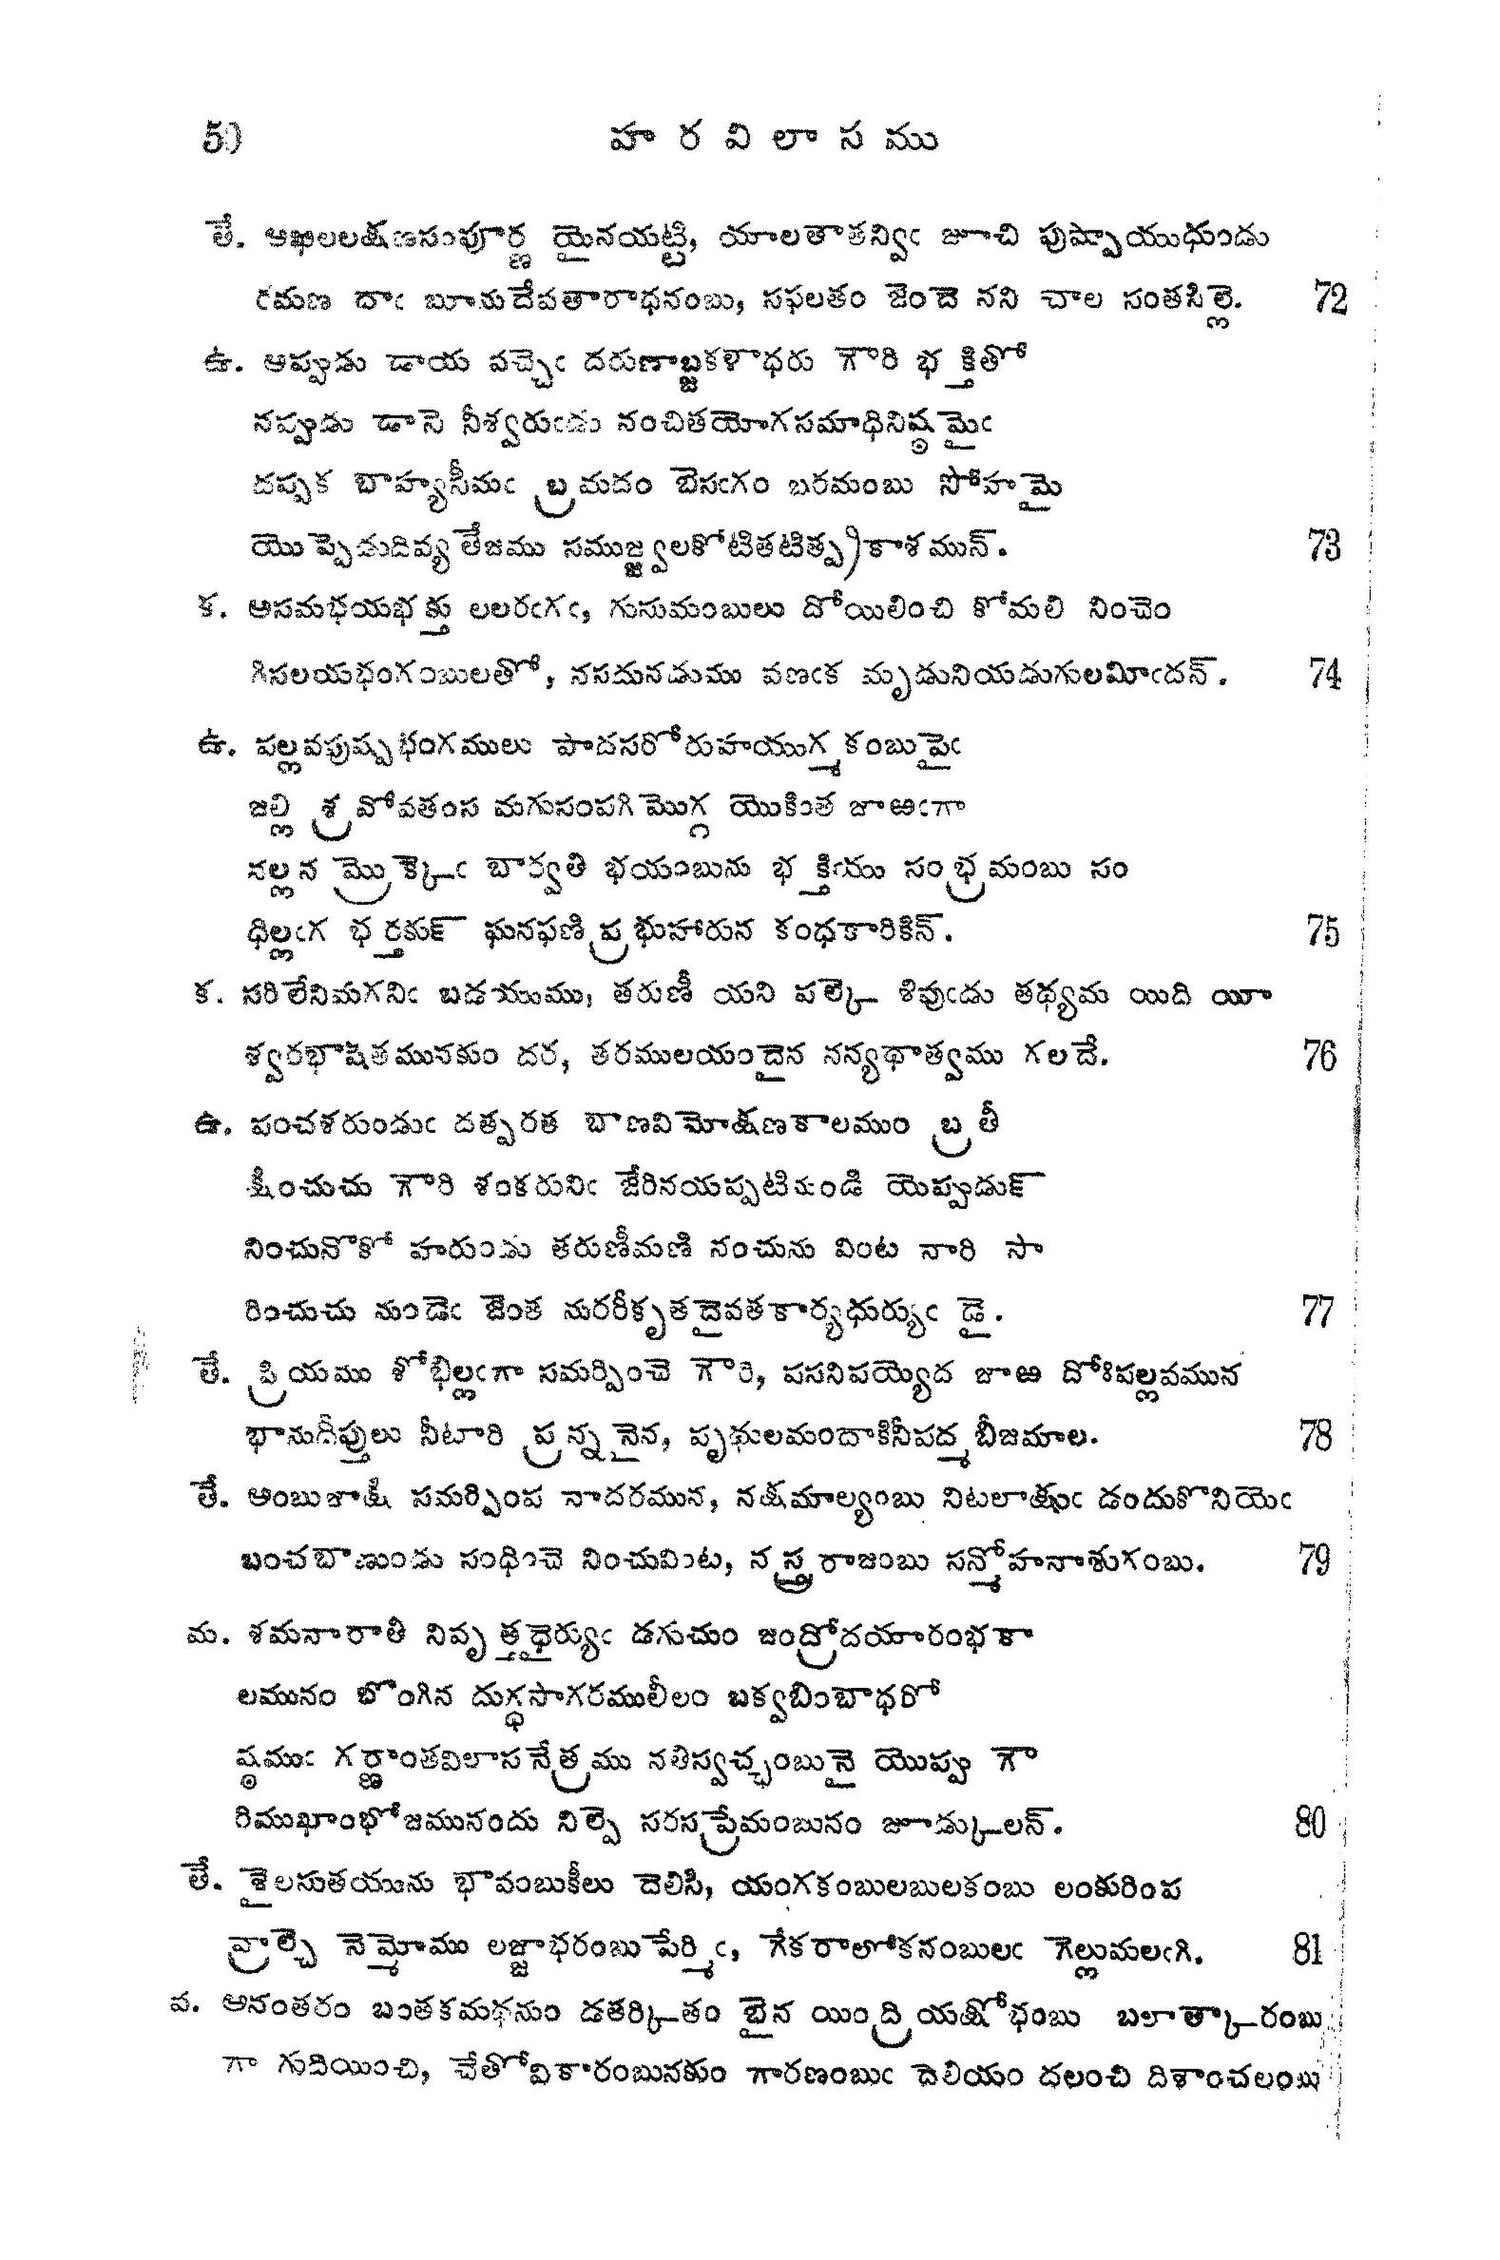తే. అఖిలలక్షణసంపూర్ణ యైనయట్టి, యాలతాతన్విఁ జూచి పుష్పాయుధుండు
రమణ దాఁ బూను దేవతారాధనంబు, సఫలతం జెందె నని చాల సంతసిల్లె. 72

ఉ. అప్పుడు డాయ వచ్చెఁ దరుణాబ్దకళాధరు గౌరి భక్తితో
నప్పుడు డాసె నీశ్వరుఁడు నంచితయోగసమాధినిష్టమైఁ
దప్పక బాహ్యసీమఁ బ్రమదం బెసఁగం బరమంబు సోహమై
యొప్పెడుదివ్యతేజము సముజ్జ్వలకోటితటిత్ప్రకాశమున్. 73

క. అసమభయభక్తు లలరఁగఁ, గుసుమంబులు దోయిలించి కోమలి నించెం
గిసలయ భంగంబులతో, నసదునడుము వణఁక మృడునియడుగులమీఁదన్. 74

ఉ. పల్లవపుష్పభంగములు పాదసరోరుహయుగ్మకంబు పైఁ
జల్లి శ్రవోవతంస మగుసంపగిమొగ్గ యొకింత జాఱఁగా
నల్లన మ్రొక్కె బార్వతి భయంబును భక్తియుఁ సంభ్రమంబు సం
ధిల్లఁగ భర్తకున్ ఘనఫణిప్రభుహారున కంధకారికిన్. 75

క. సరి లేని మగనిఁ బడయుము, తరుణీ యని పల్కె శివుఁడు తథ్యమ యిది యీ
శ్వరభాషితమునకుం దర, తరములయం దైన నన్యథాత్వము గలదే. 76

ఉ. పంచశరుండుఁ దత్పరత బాణవిమోక్షణకాలముం బ్రతీ
క్షించుచు గౌరి శంకరునిఁ జేరినయప్పటినుండి యెప్పుడున్
నించునొకో హరుండు తరుణీమణి నంచును వింట నారి సా
రించుచు నుండెఁ జెంత సురరీకృతదైవతకార్యధుర్యుఁడై. 77

తే. ప్రియము శోభిల్లఁగా సమర్పించె గౌరి, పసని పయ్యెద జాఱ దోఃపల్లవమున
భానుదీప్తులు నీటారి ప్రన్ననైన, పృథులమందాకినీపద్మబీజమాల. 78

తే. అంబుజాక్షి సమర్పింప నాదరమున, నక్షమాల్యంబు నిటలాక్షుఁ డందుకొనియెఁ
బంచబాణుండు సంధించె నించువిట, నస్త్రరాజంబు సన్మోహనాశుగంబు. 79

మ. శమనారాతి నివృత్తధైర్యుఁ డగుచుం జంద్రోదయారంభకా
లమునం బొంగిన దుగ్ధసాగరములీలం బక్వబింబాధరో
ష్ఠముఁ గర్ణాంతవిలాసనేత్రము నతిస్వచ్ఛంబునై యొప్పు గౌ
రిముఖాంభోజమునందు నిల్పె సరసప్రేమంబునం జూడ్కులన్. 80

తే. శైలసుతయును భావంబుకీలు దెలిసి, యంగకంబుల బులకంబు లంకురింప
వ్రాల్చె నెమ్మోము లజ్జాభరంబు పేర్మిఁ, గేకరాలోకనంబులఁ గెల్లుమలఁగి. 81

వ. అనంతరం బంతకమధనుం డతర్కితం బైన యింద్రియక్షోభంబు బలాత్కారంబుగా గుదియించి, చేతోవికారంబునకుం గారణంబుఁ దెలియం దలంచి దిశాంచలంబు